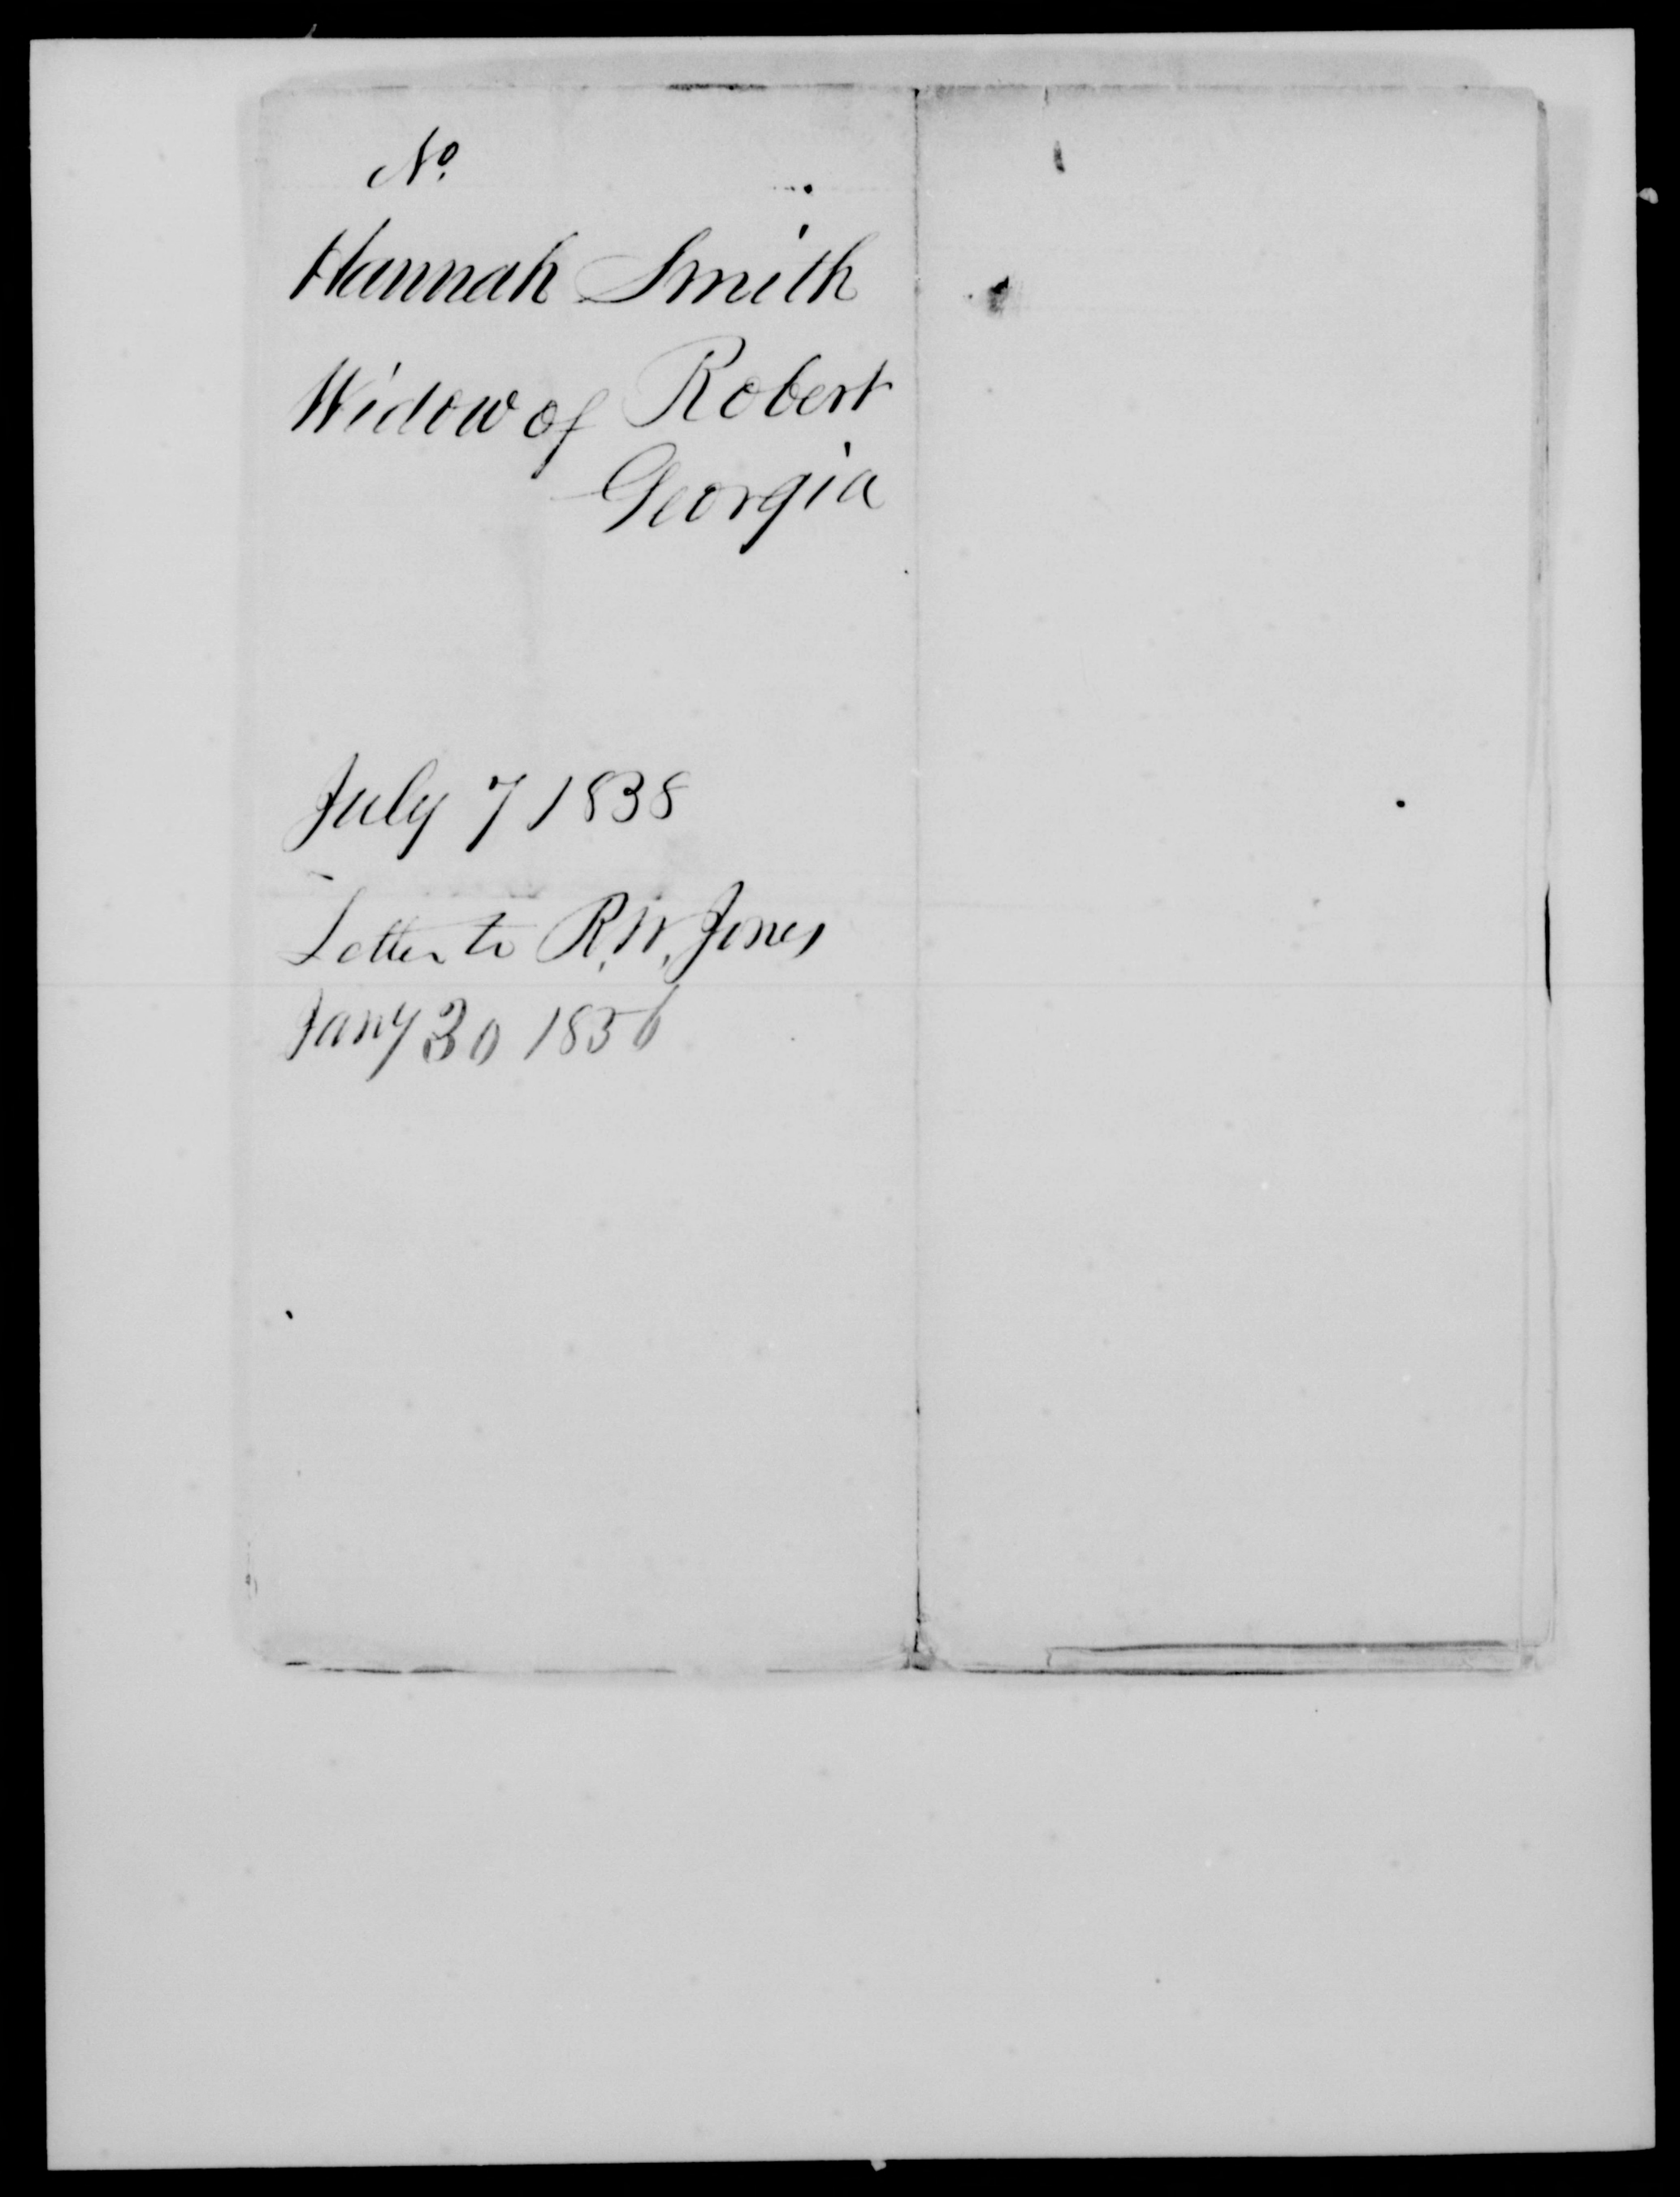No.
Hannah Smith
Widow of Robert
Georgia

July 7, 1838
Letter to R. W. Jones
Jany 30 1856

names: Hannah Smith; Robert Smith; R W Jones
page: 2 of 28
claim: rejected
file: R. 9744, for Robert Smith, South Carolina